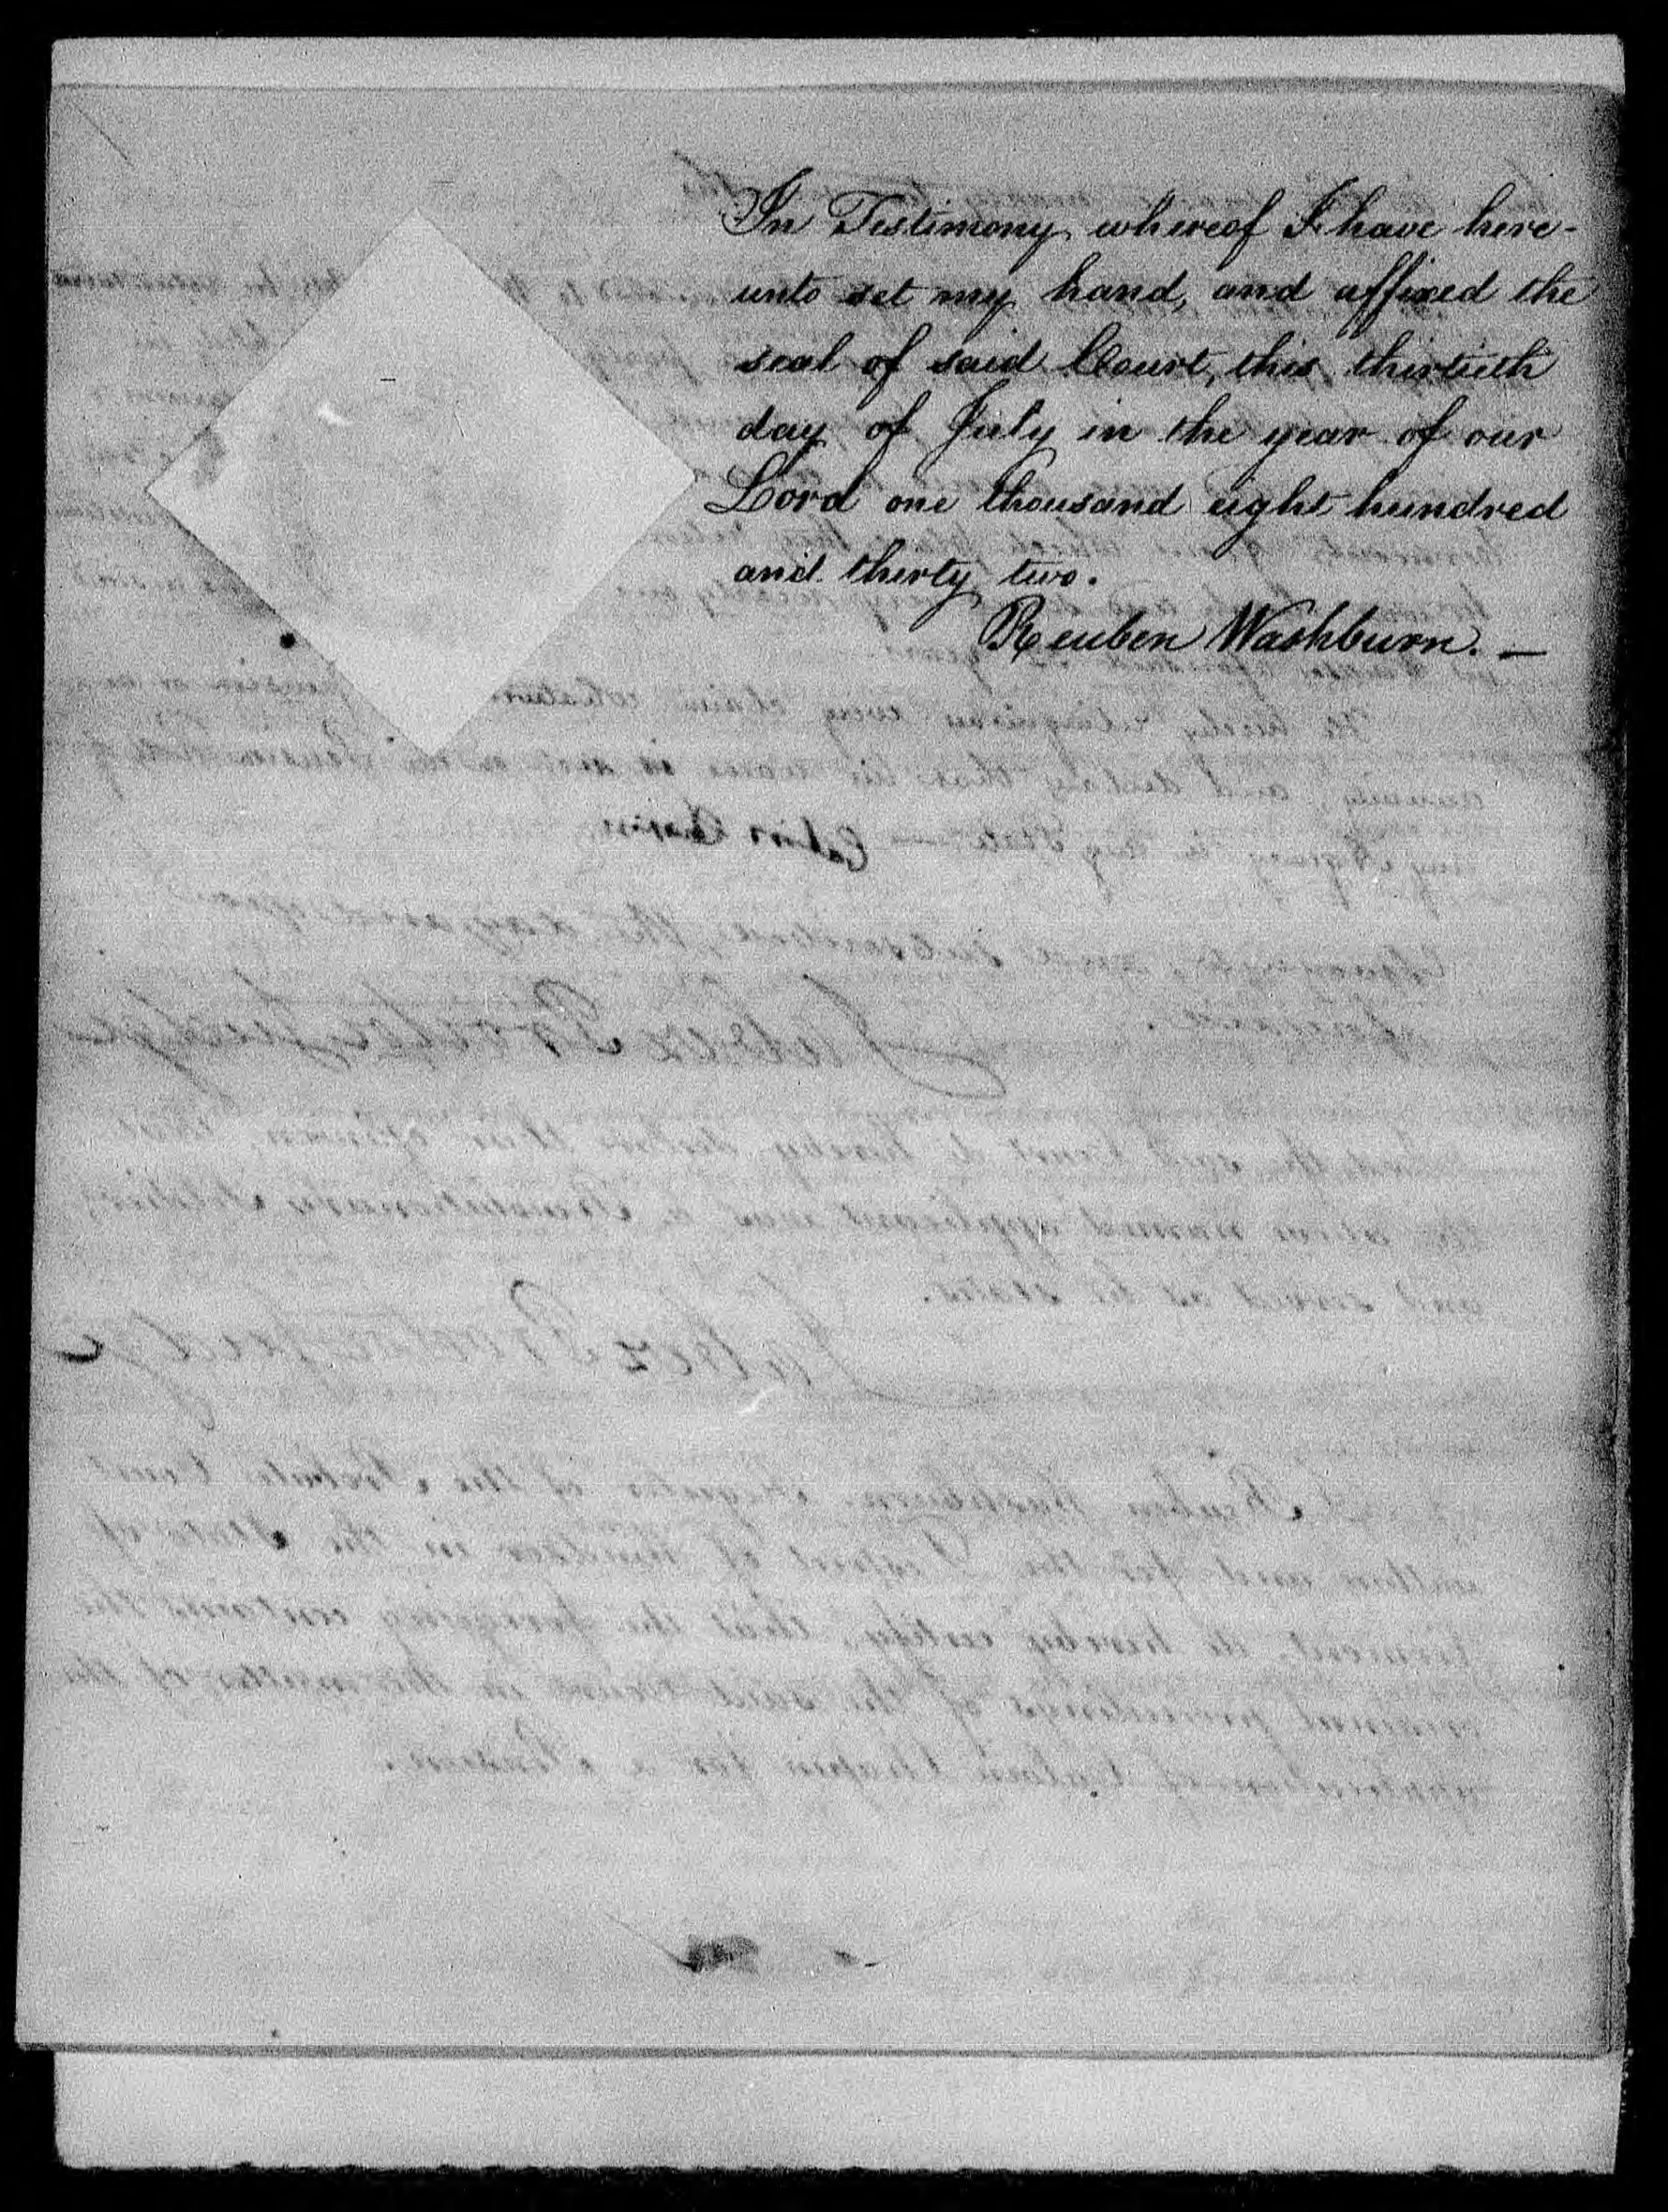In Testimony whereof I have here - unto set my hand, and affixed the seal of said Court, this thirtieth day of July in the year of our Lord one thousand eight hundred and thirty two.
Reuben Washburn.-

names: Reuben Washburn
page: 7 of 35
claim: widow's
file: W. 20,864, Calvin Chapin, Mass. Vt.